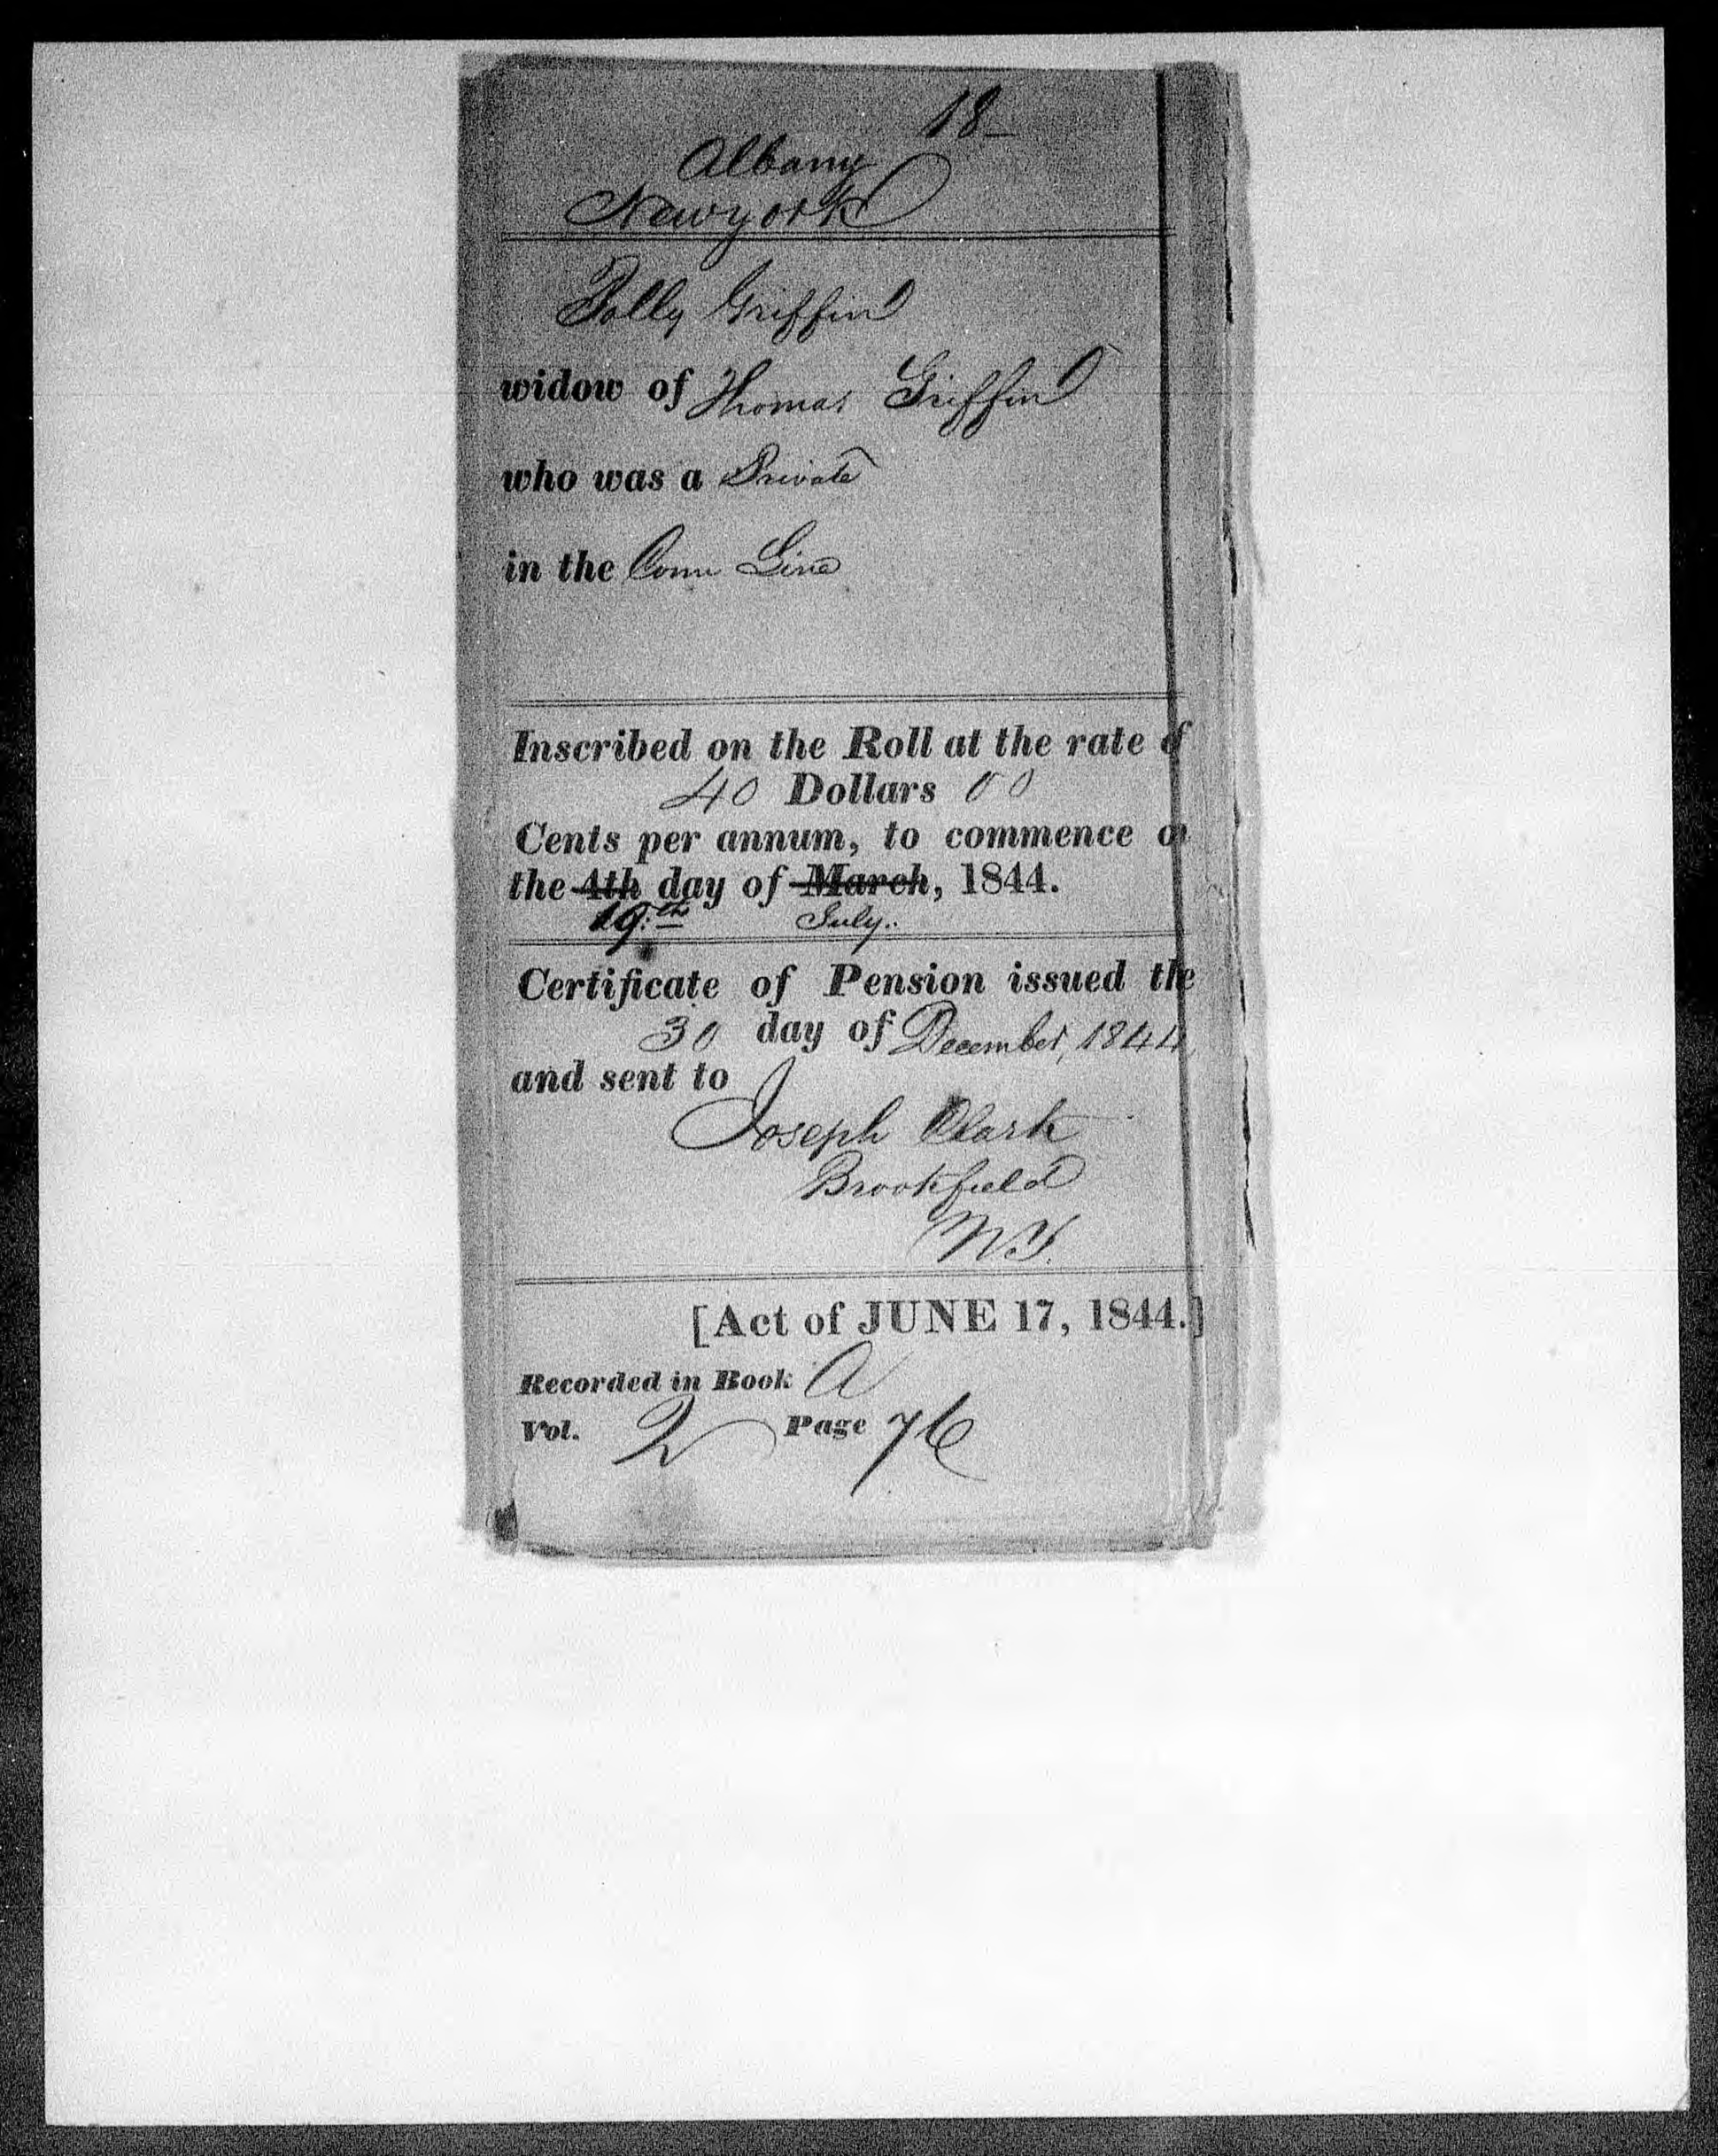18
Albany
New York
Polly Griffin
widow of Thomas Griffin
who was a Private
in the Conn Line
Inscribed on the Roll at the rate of 
40 Dollars 00
Cents per annum, to commence on 
the 19th day of July, 1844.
Certificate of Pension issued the
30 day of December, 1844
and sent to
Joseph Clark
Brookfield
NY
[Act of JUNE 17, 1844.]
Recorded in Book A
Vol. W Page 76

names: Polly Griffin, Thomas Griffin, Joseph Clark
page: 60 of 60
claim: widow's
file: W. 19,537, Thomas Griffin, Conn.